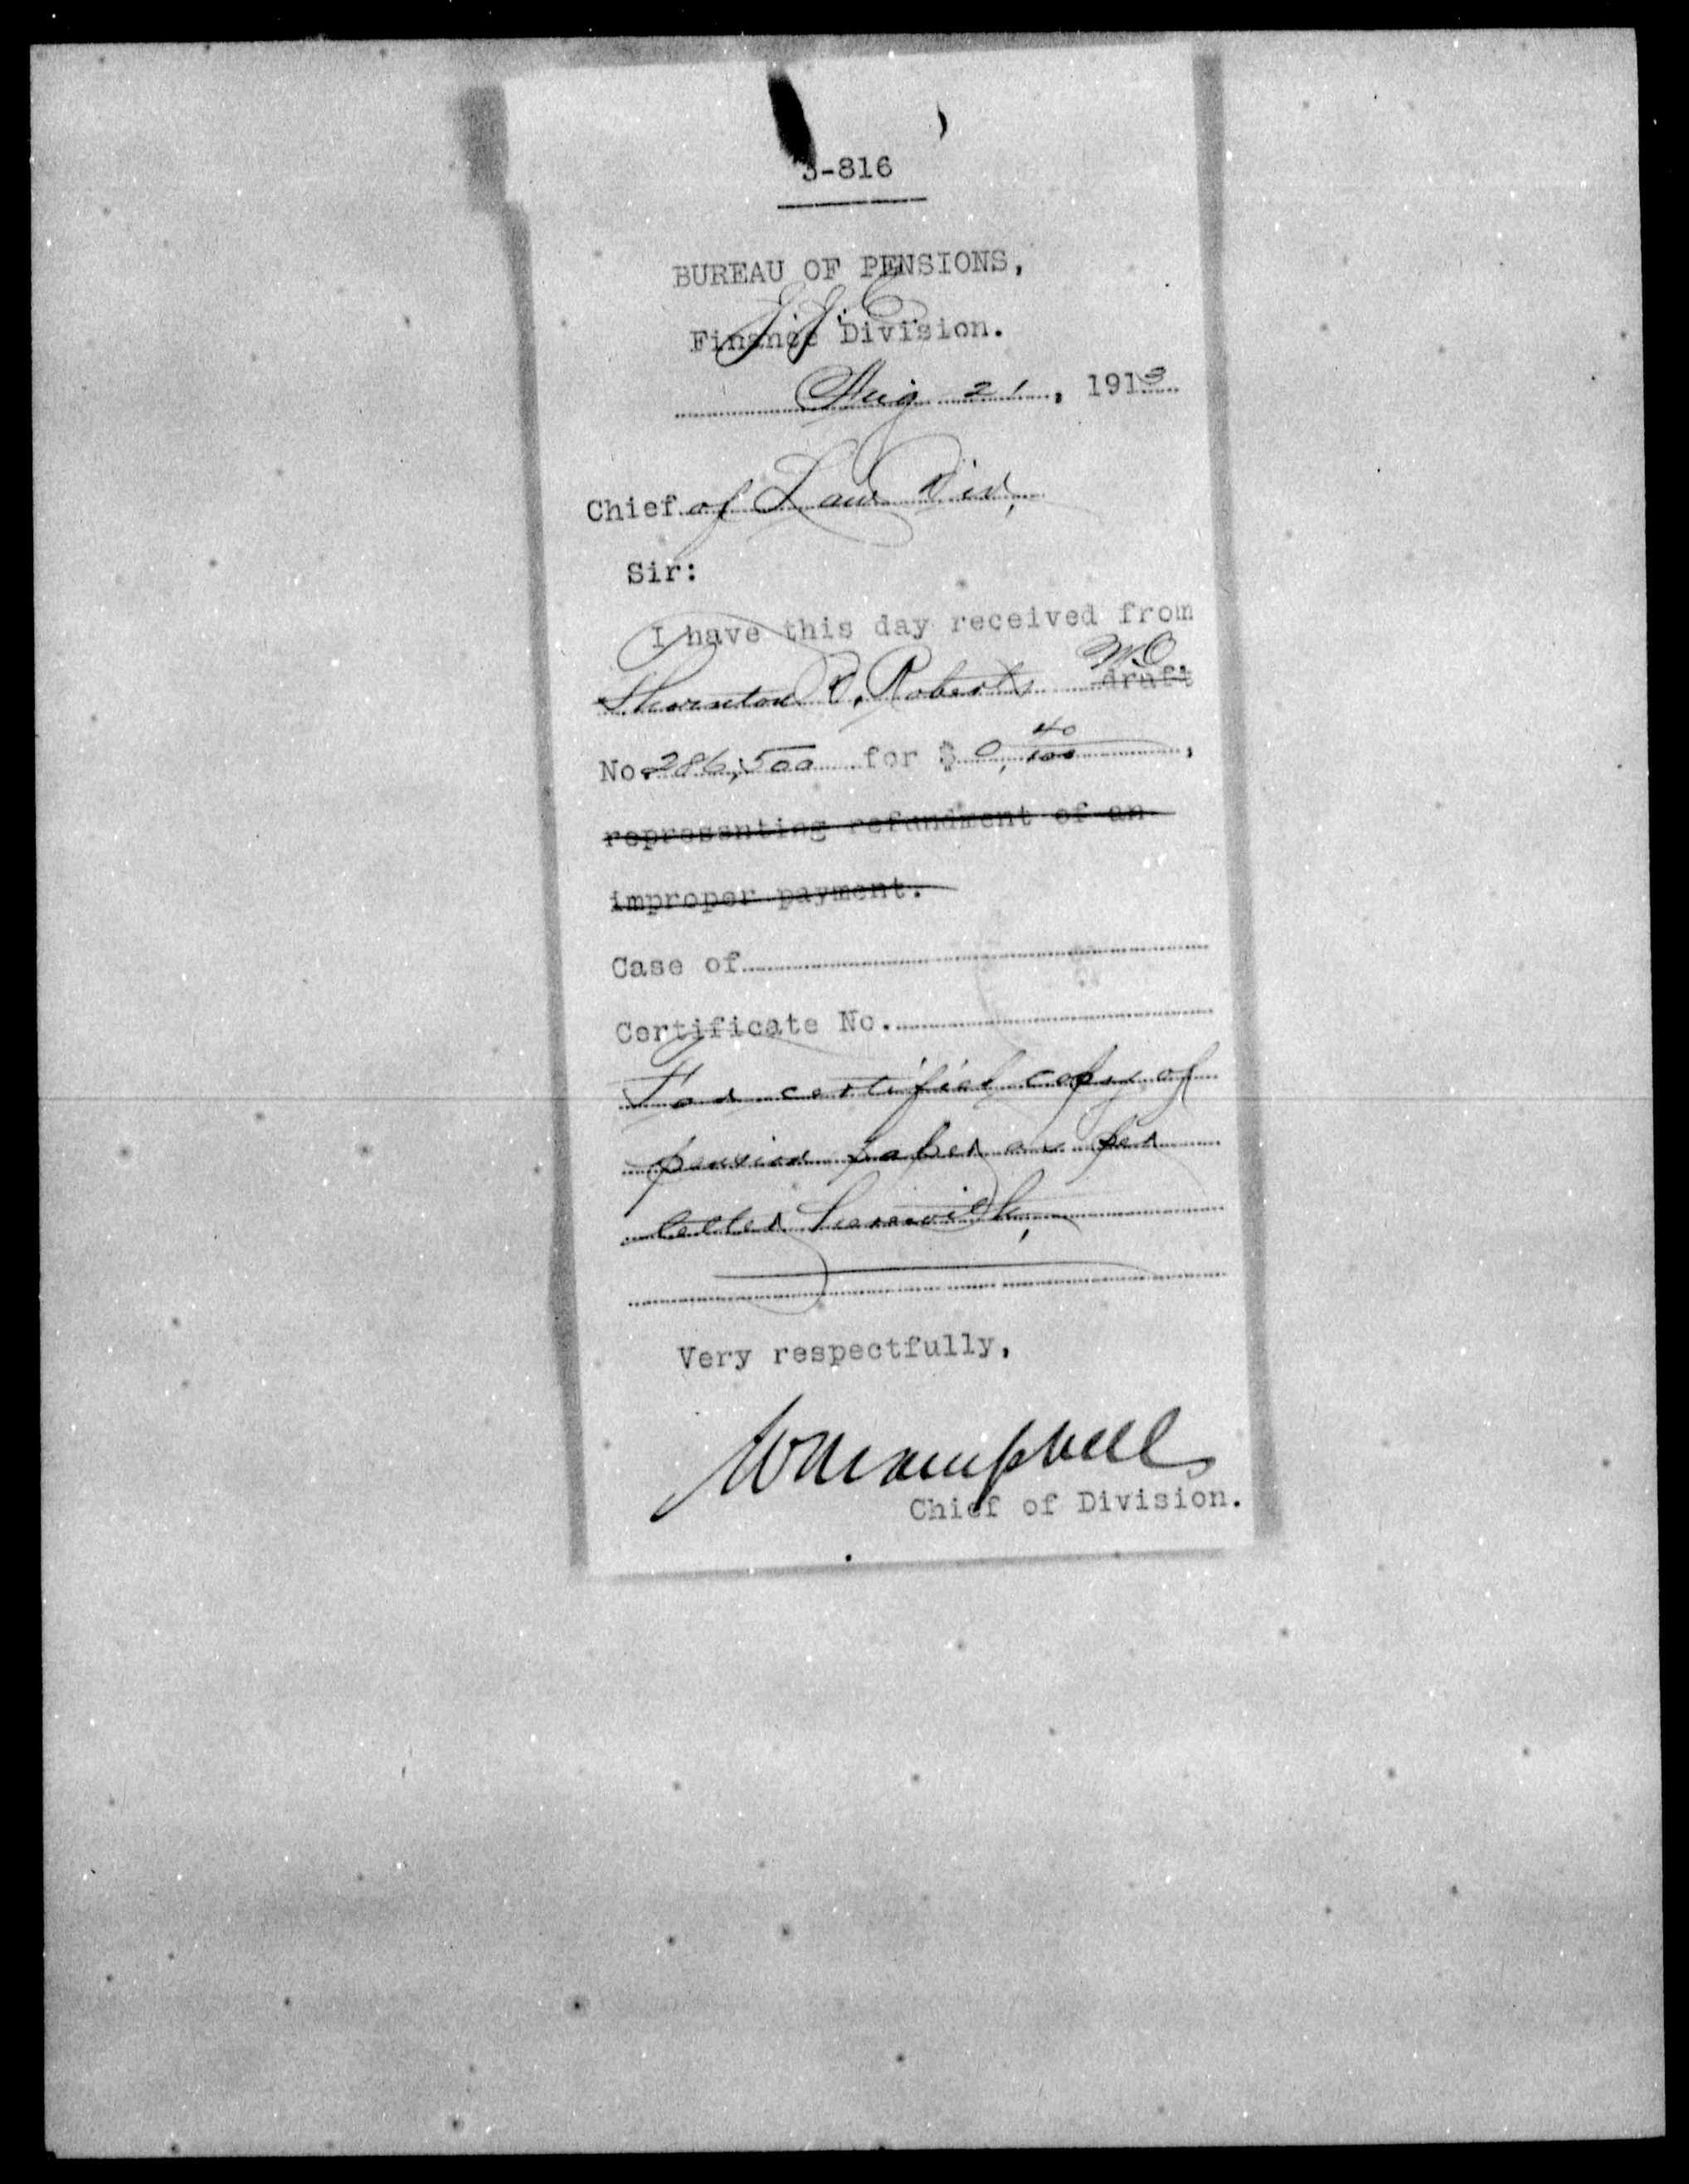3-816
----------
BUREAU OF PENSIONS,
Finance Division.
J. J. C.

Aug 21, 1913
Chief of Law Div .

Sir:

I have this day received from 
Thornton D. Roberts WO
No. 286,500 for $0.40/100,

Case of [blank]
Certificate No. [blank]

For certified copy of 
pension paper as per 
letter herewith

Very respectfully,
W N Campbell [?]
Chief of Division.

[faded and illegible date stamp]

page: 24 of 59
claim: bounty land warrant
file: B.L.Wt. 2359-500, for Owen Roberts, South Carolina